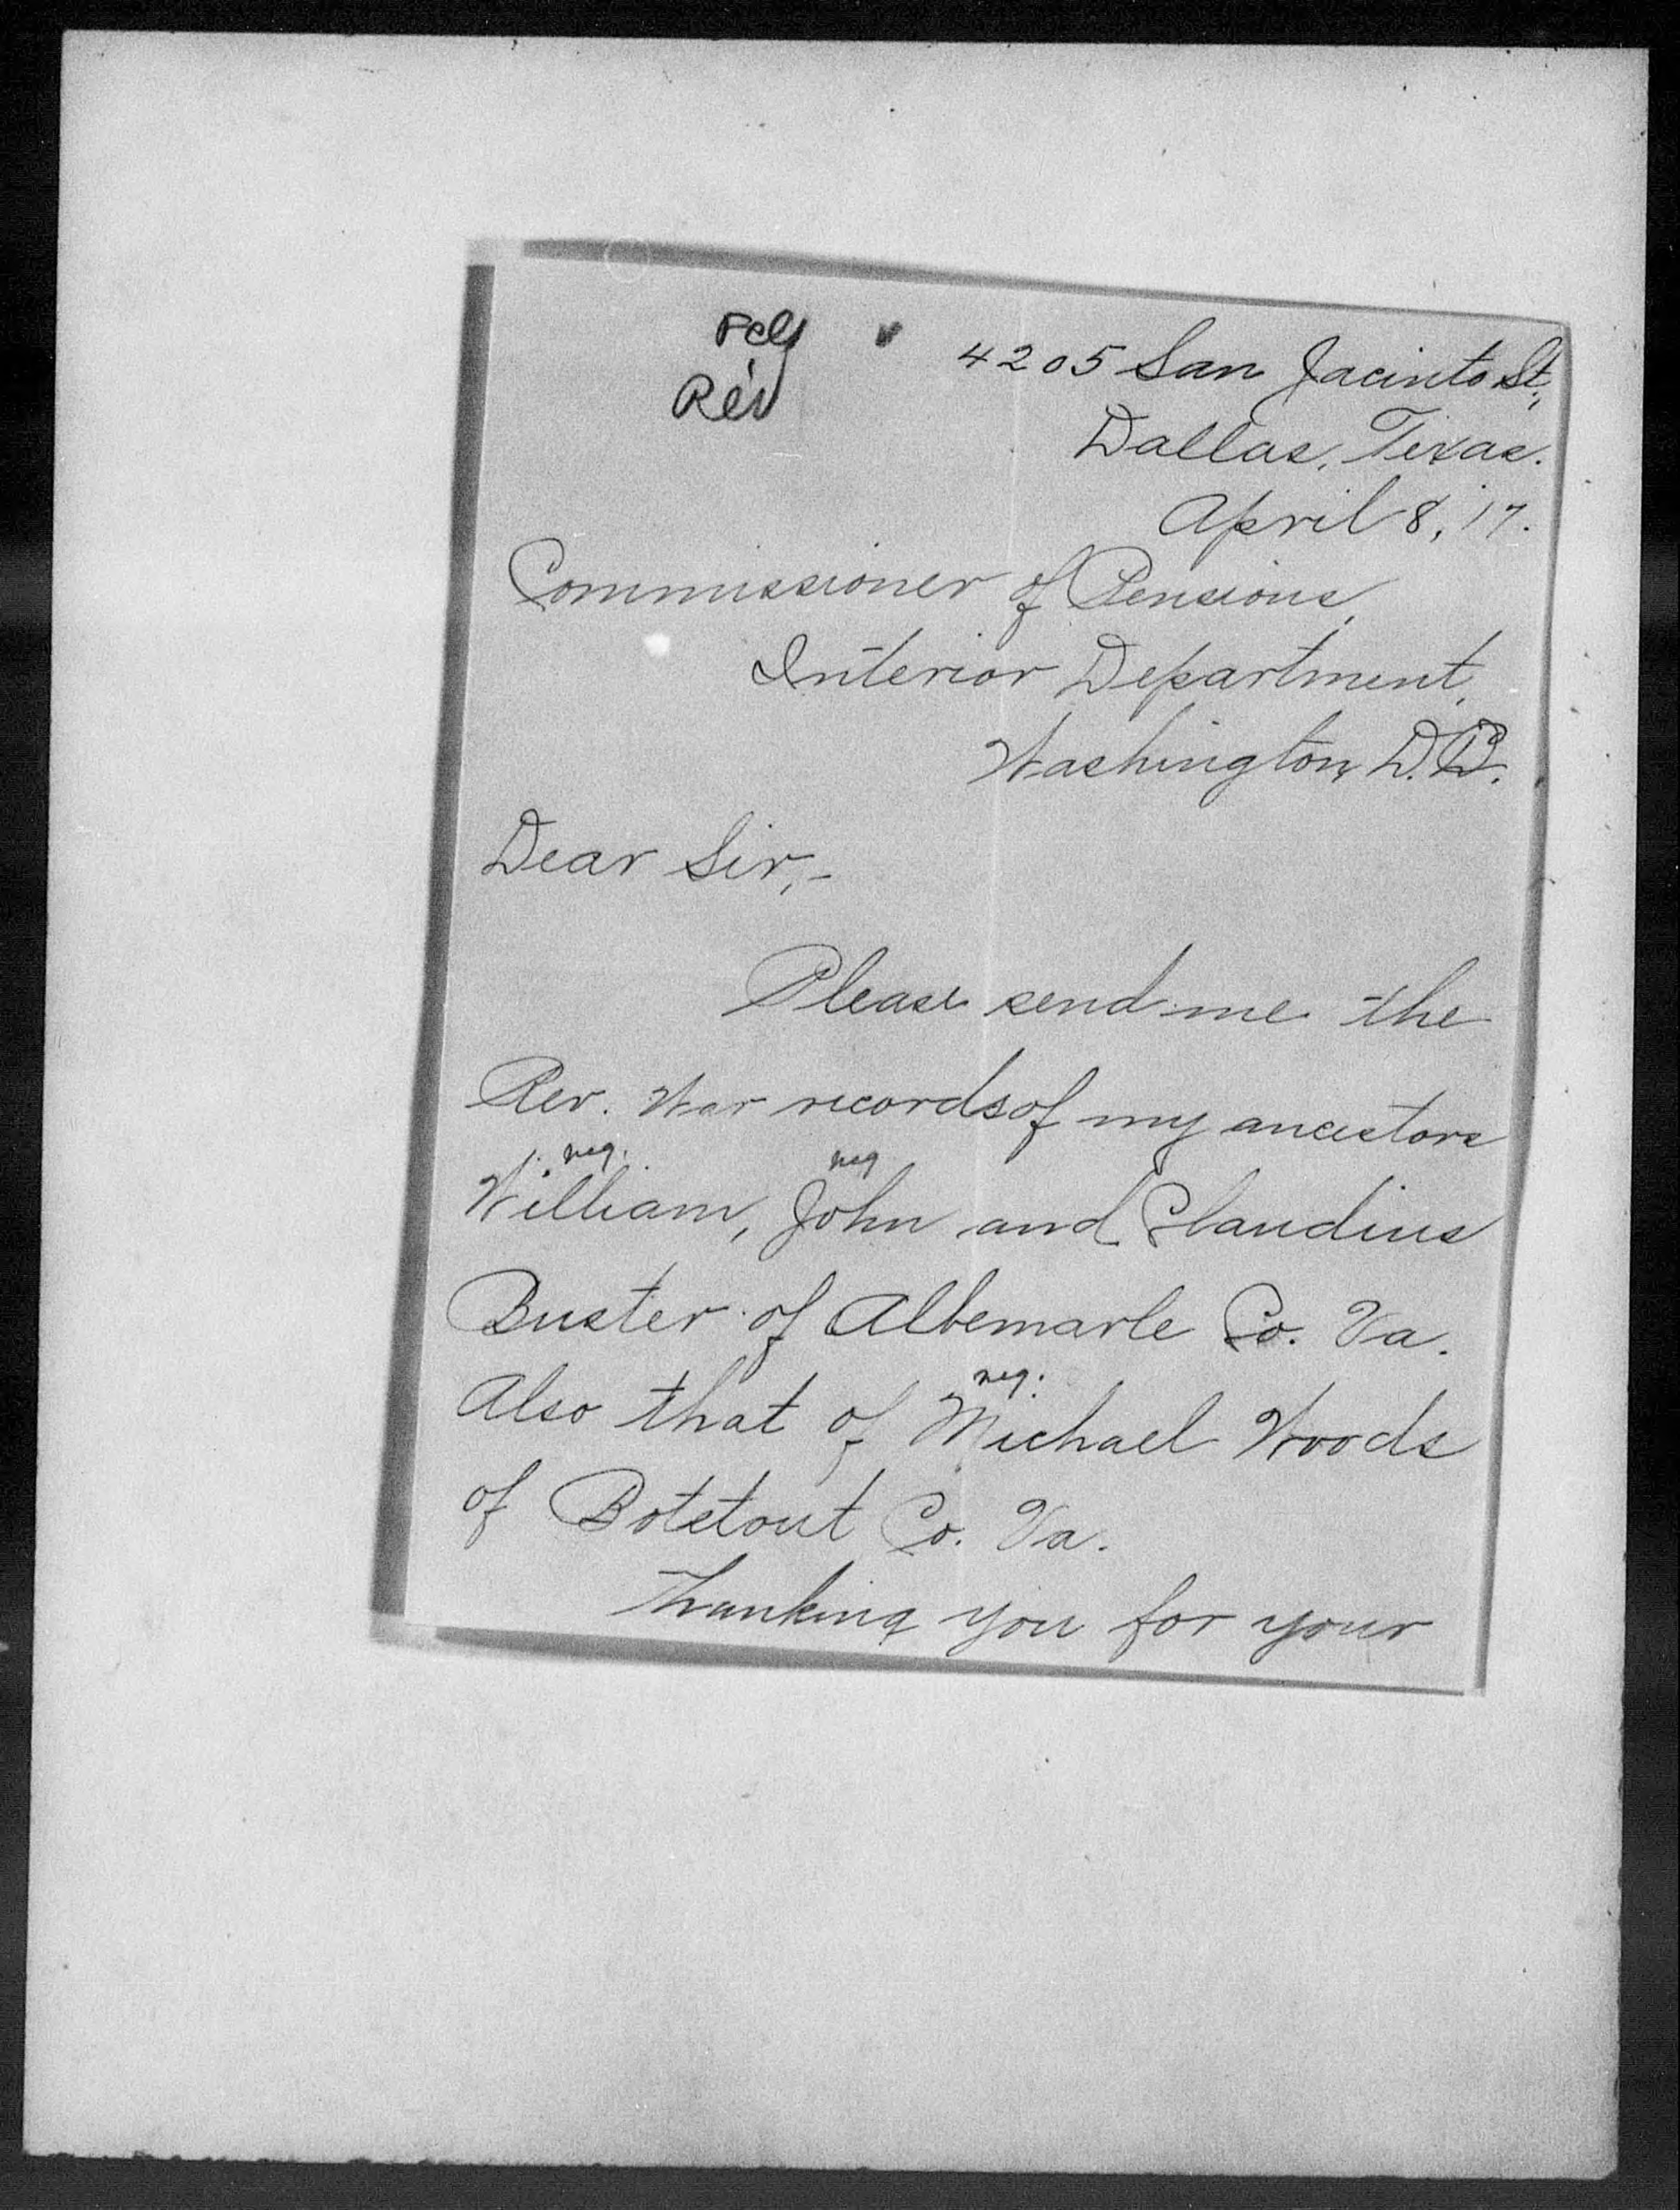[illegible] Rev

4205 San Jacinto St.,
Dallas, Texas
April 8, 17

Commissioner of Pensions,
Interior Department,
Washington, D. C.

Dear Sir, - 

Please send me the Rev. War record of my ancestors William ["neg" written above William], John ["neg" written above John], and Claudius Buster of Albemarle Co. Va. Also that of Michael ["neg:" written above Michael] Woods of Botetout Co. Va.

Thanking you for your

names: Claudius Buster, John Buster, William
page: 58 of 71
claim: widow's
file: W. 25310, Claudius Buster, Va.